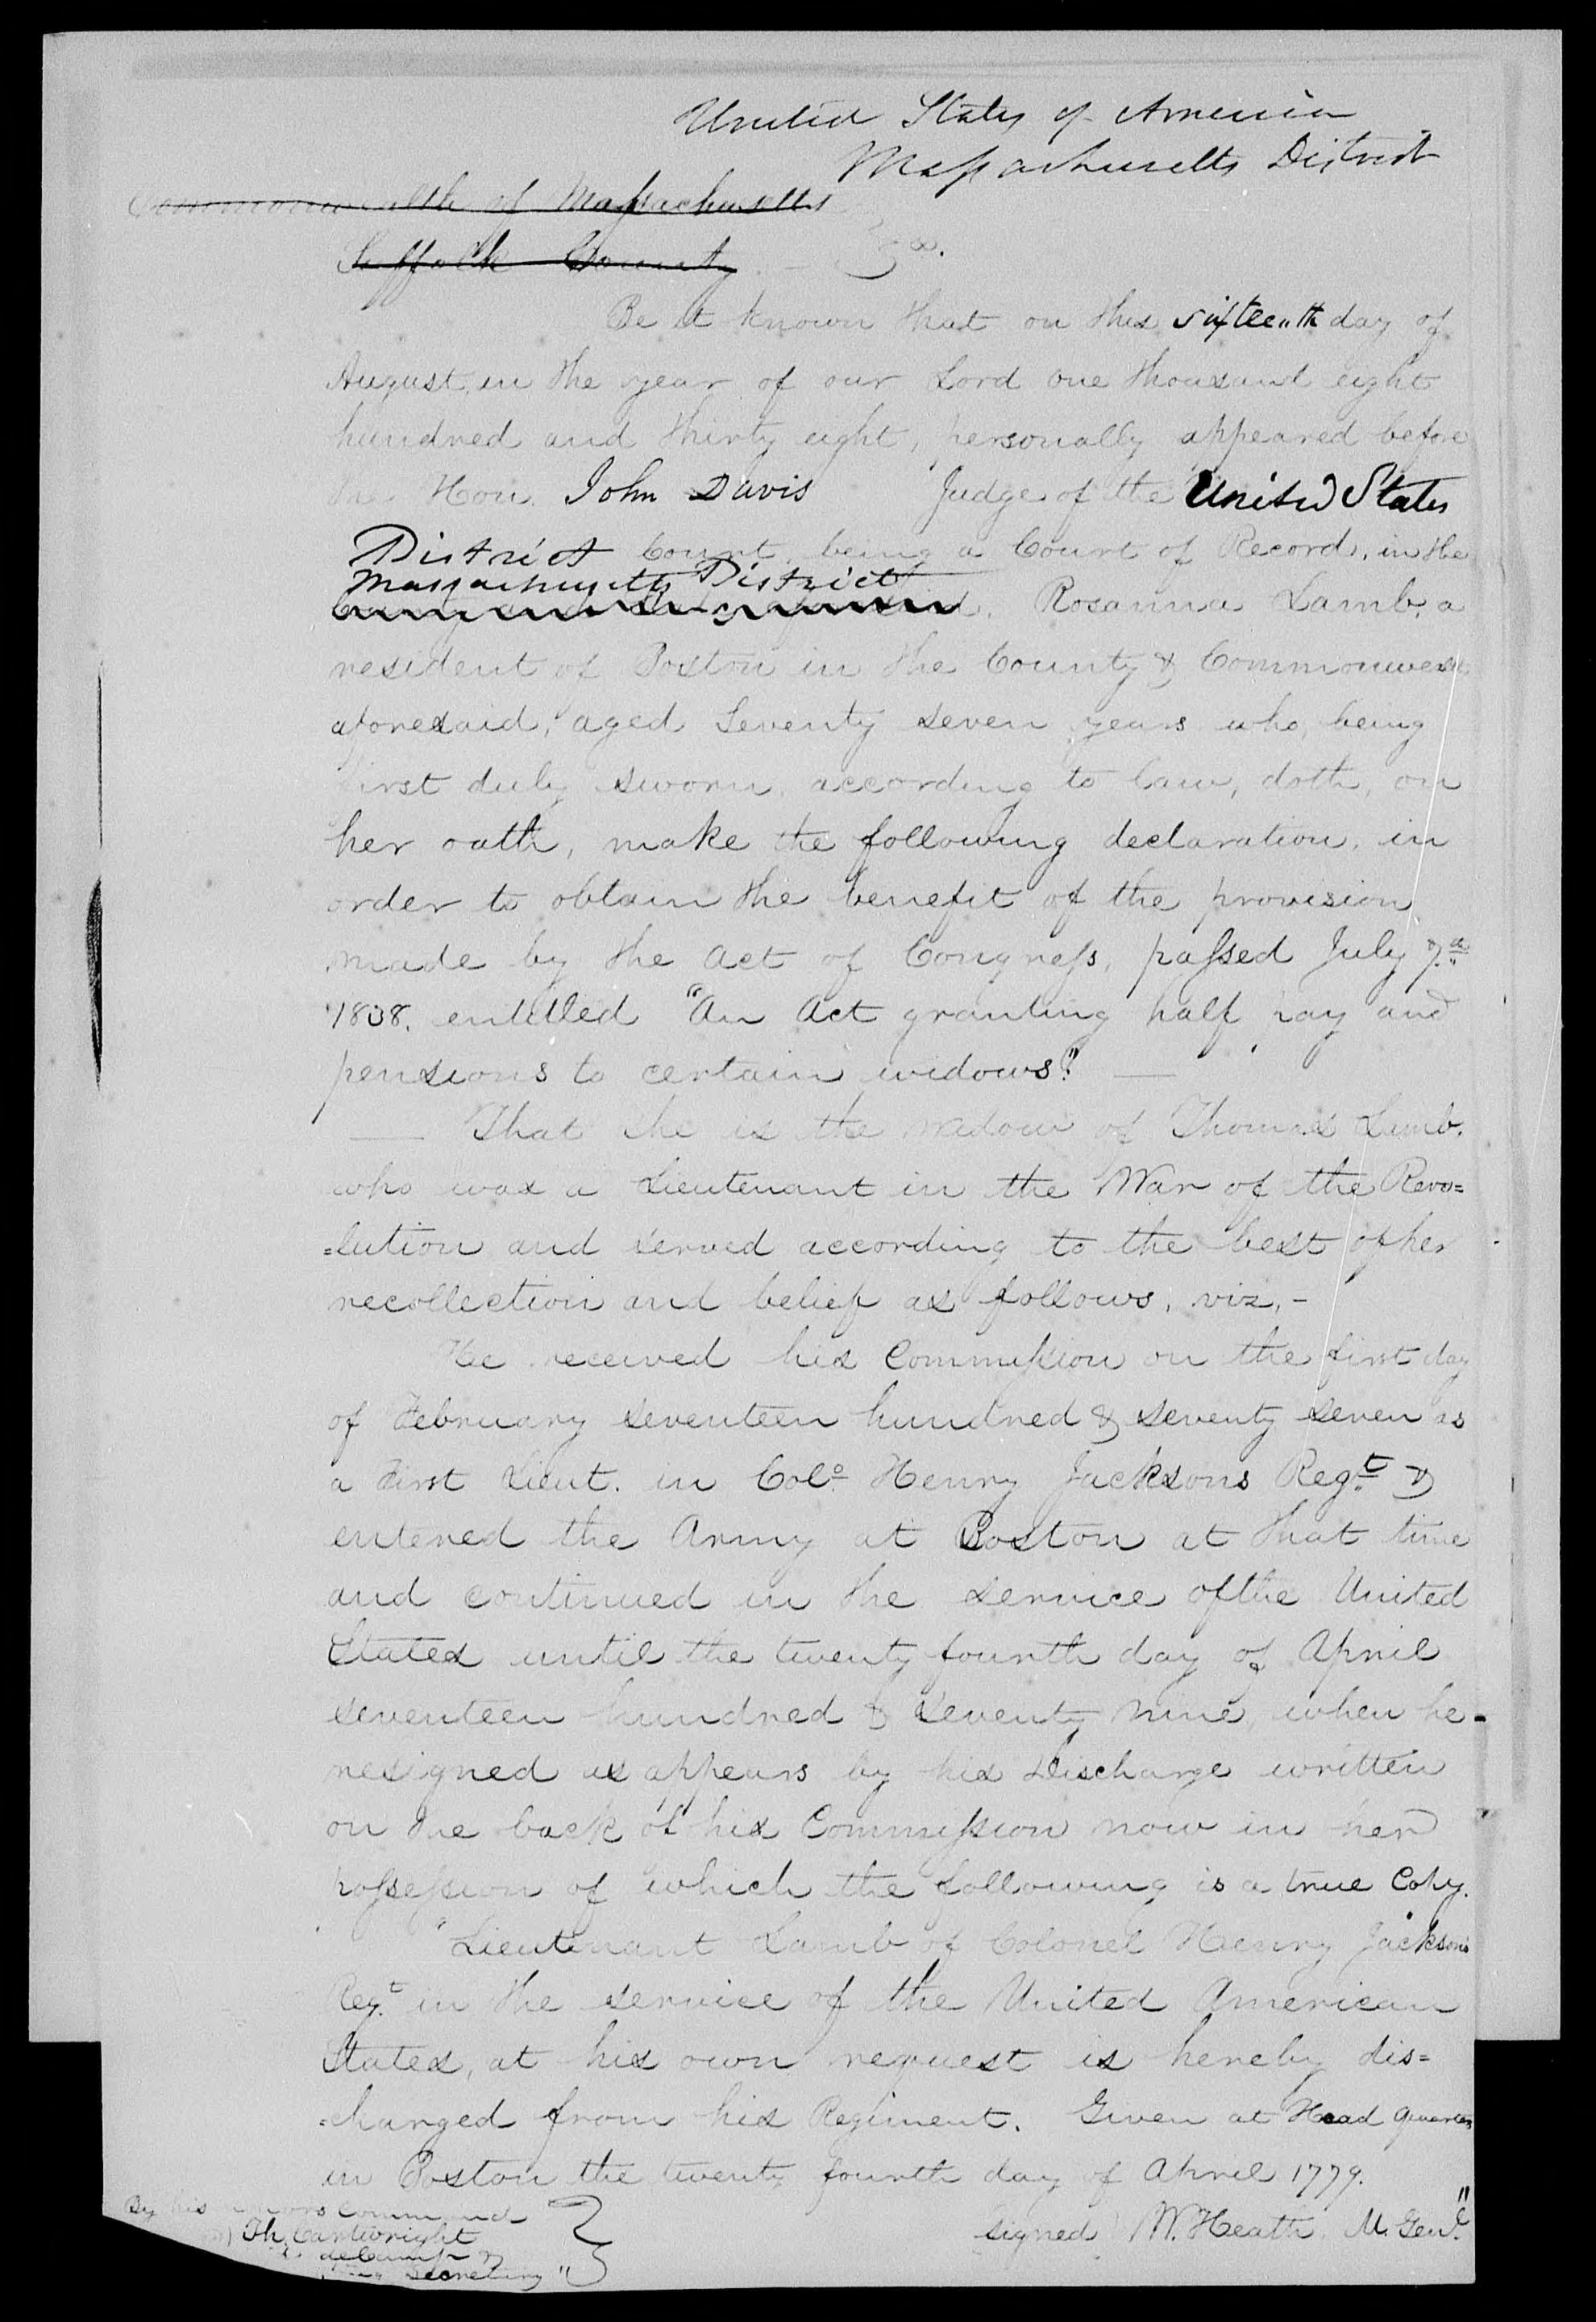United States of America
Massachusetts District

Be it known that on this sixteenth day of August, in the year of our Lord one thousand eight hundred and thirty eight, personally appeared before the Hon. John Davis Judge of the United States District Court being a Court of Record, in the Massachusetts District, Rosanna Lamb a resident of Boston the County & Commonwealth aforesaid; aged seventy seven years who, being first duly sworn according to law, doth on her oath, make the following declaration, in order to obtain the benefit of the provision made by the Act of Congress, passed July 7th 1838, entitled "An Act granting half pay and pensions to certain widows".
That she is the widow of Thomas Lamb, who was a Lieutenant in the War of the Revolution and served according to the best of her recollection and belief as follows, viz,-
He received his Commission on the first day of February seventeen hundred & seventy seven as a First Lieut. in Col Henry Jackson's Regt & entered the Army at Boston at that time and continued in the service of the United States until the twenty fourth day of April seventeen hundred & seventy nine, when he resigned as appears by his discharge written on the back of his Commission now in her possession of which the following is a true Copy. 
Lieutenant Lamb of Colonel Henry Jackson's Regt in the service of the United American States, at his own request is hereby discharged from his Regiment. Given at Headquarters in Boston the twenty fourth day of April 1779.
signed W. Heath M. Gen.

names: Thomas Lamb; W Heath; Rosanna Lamb; John Davis; Th Cartwright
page: 3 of 23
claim: widow's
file: W. 15010, for Thomas Lamb, Massachusetts